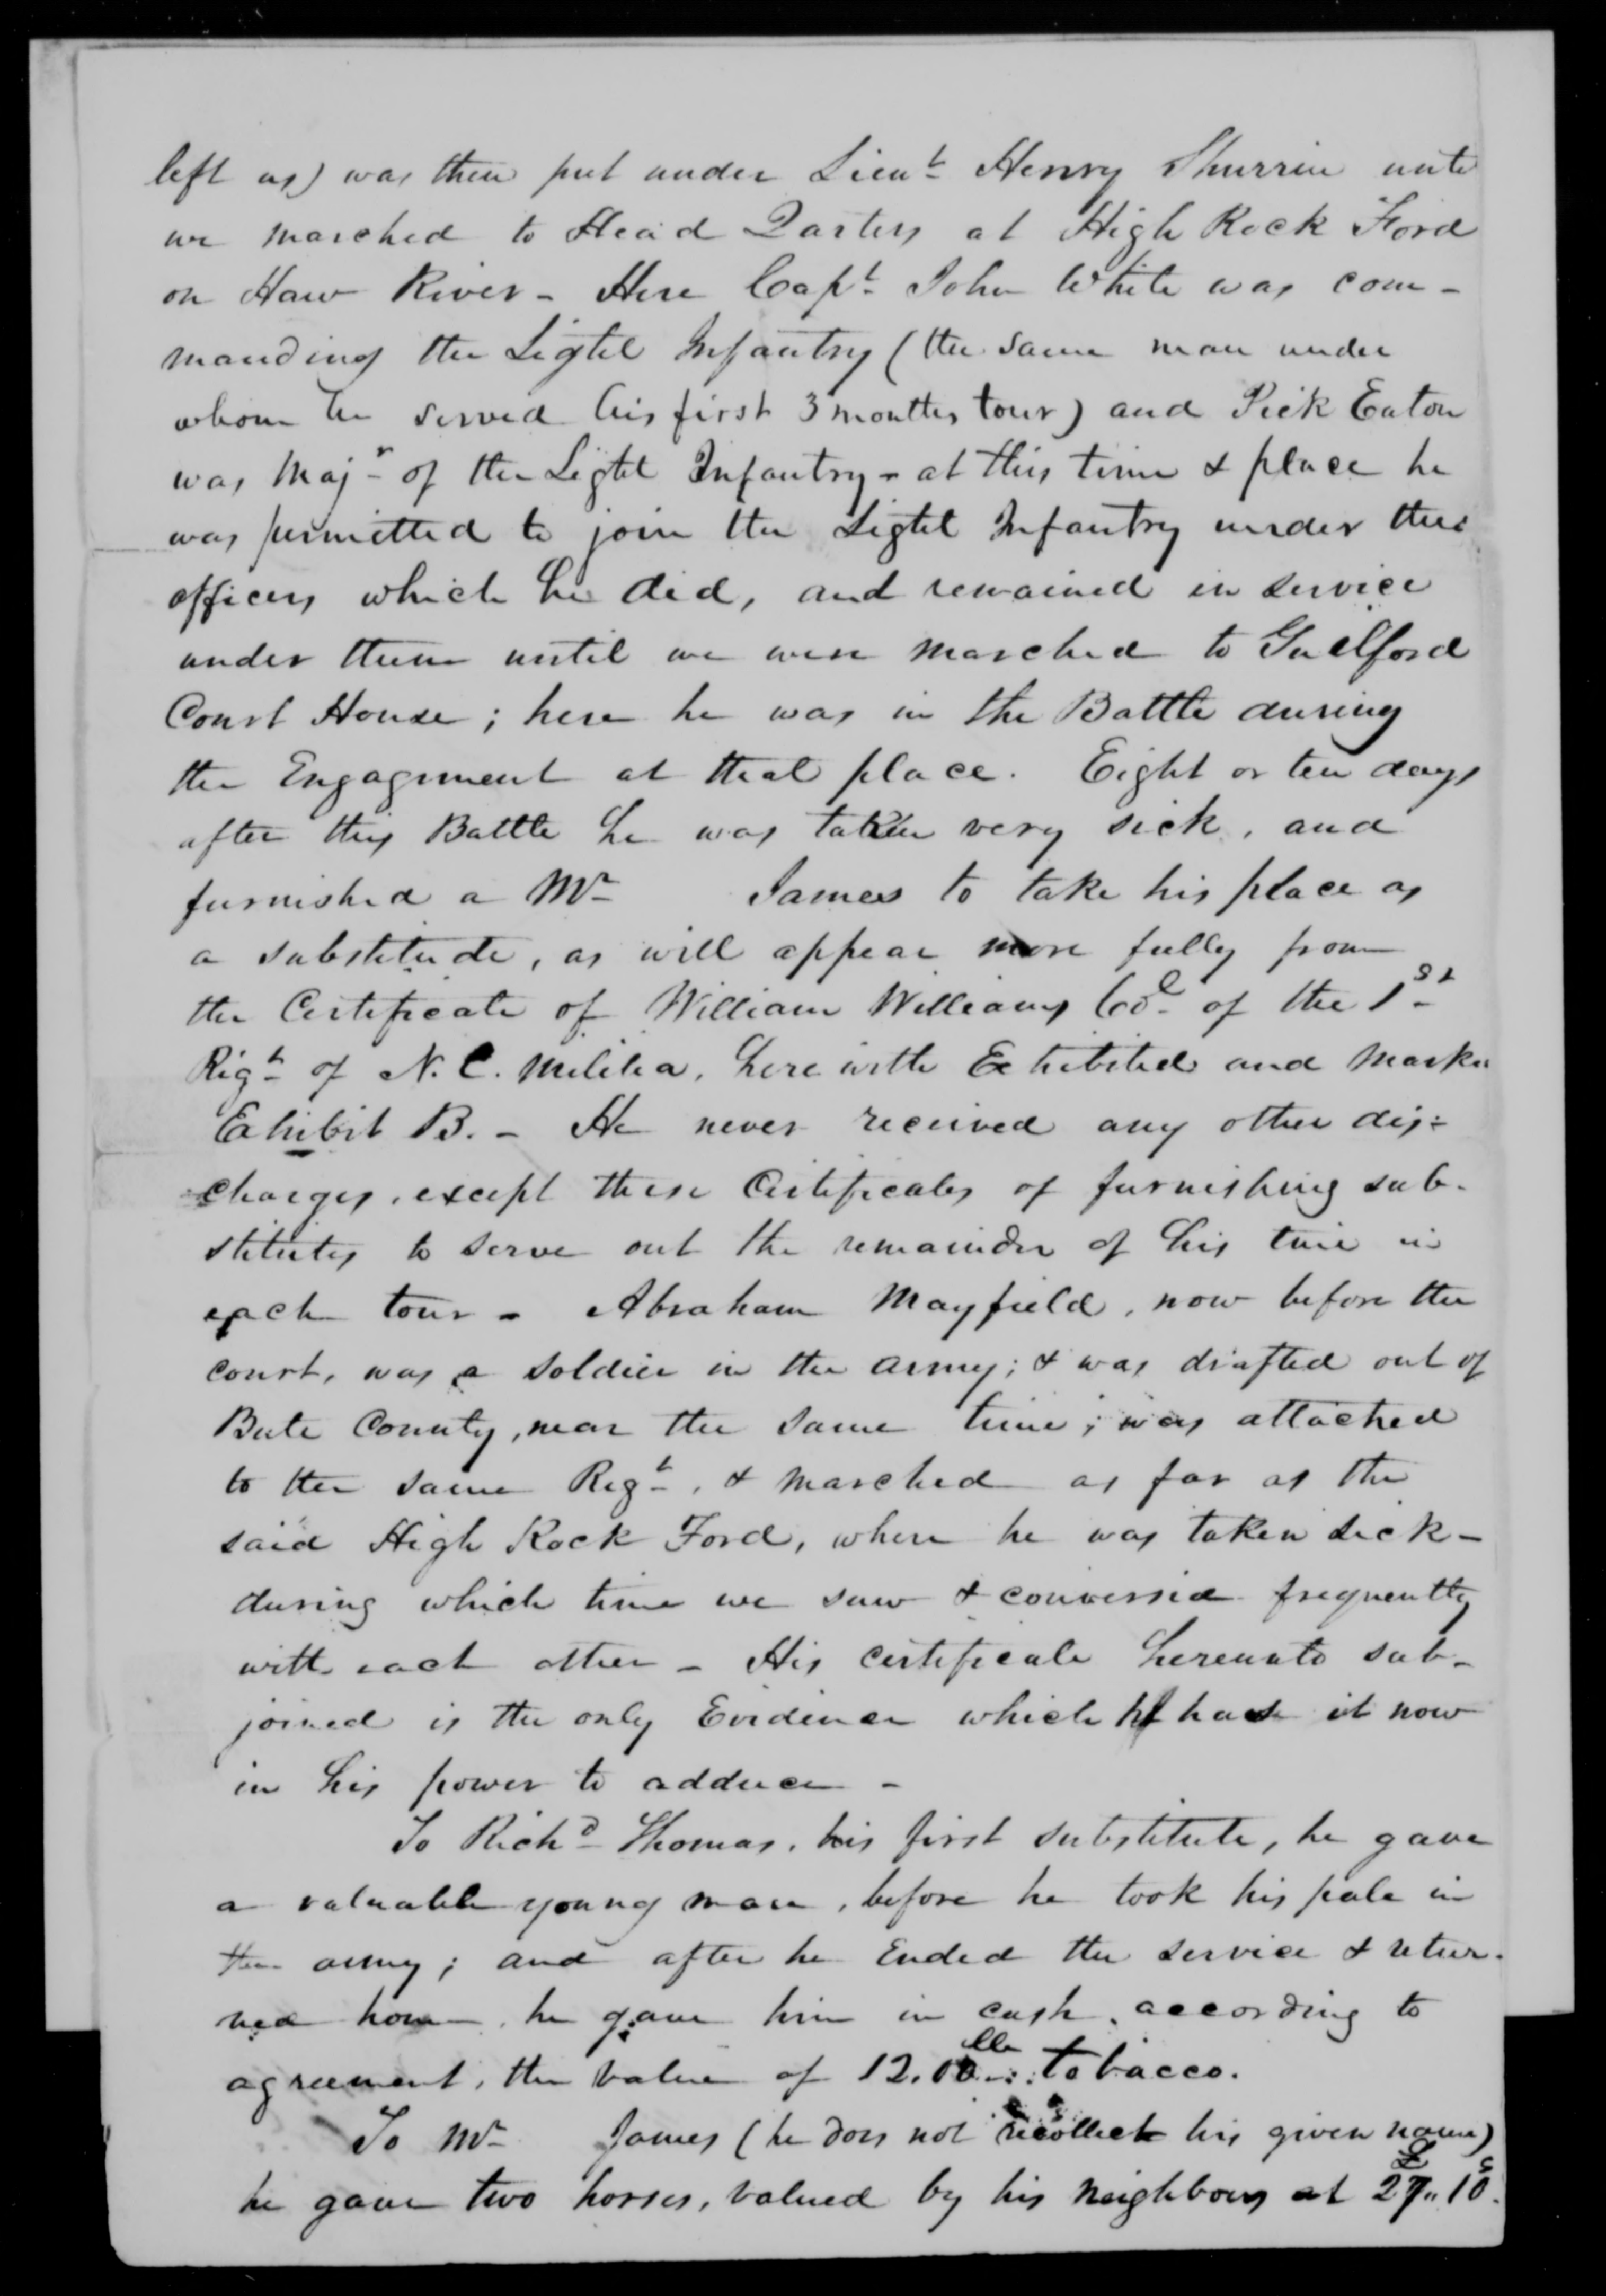left and was then put under Lieut. Henry Shurrin until we marched to Heard Pantry at High Rock Ford on Haw River - here Capt. John White was commanding the Light Infantry (the same man under whom he served his first 3 months tour)  and Pick Eaton was Maj of the Light Infantry at this time & hence he was permitted to join the Light Infantry under the officers which he did, and remained in service under them until we were marched to Guilford Court House; here he was in the battle during the engagement at that place.  Eight or ten days after the battle he was taken very sick and furnished a Mr.   James to take his place as a substitute, as will appear more fully from the certificate of William Williams Col. of the 1st Reg of NC Militia. Herewith attached and made Exhibit B. - He never received any other [xx] charges except these Certificates of furnishing substitutes to serve the remainder of his time in each tour - Abraham Mayfield, now before the court, was a soldier in the Army & was drafted out of Bute County near the same time; was attached to the same Reg. & marched as far as the said High Rock Ford, where he was taken sick- during which time we saw & conversed frequently with each other - the certificate hereunto subjoined is the only evidence which he had it now in his power to addem.
To Rich Thomas, his first substitute, he gave a valuable young mare, before he took his place in the Army, and after he ended the service & return back home, he gave him in  cash, according to agreement, the balance of 12 lbs of tobacco.
to Mr.    James (he does not remember his given name) he gave two horses, valued by his neighbors at $27.10.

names: Henry Shurrin, Richd Thomas, Pick Eaton, William Williams, Abraham Mayfield, John White, James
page: 7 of 40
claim: rejected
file: R. 11785, Henry Wood, N. C.